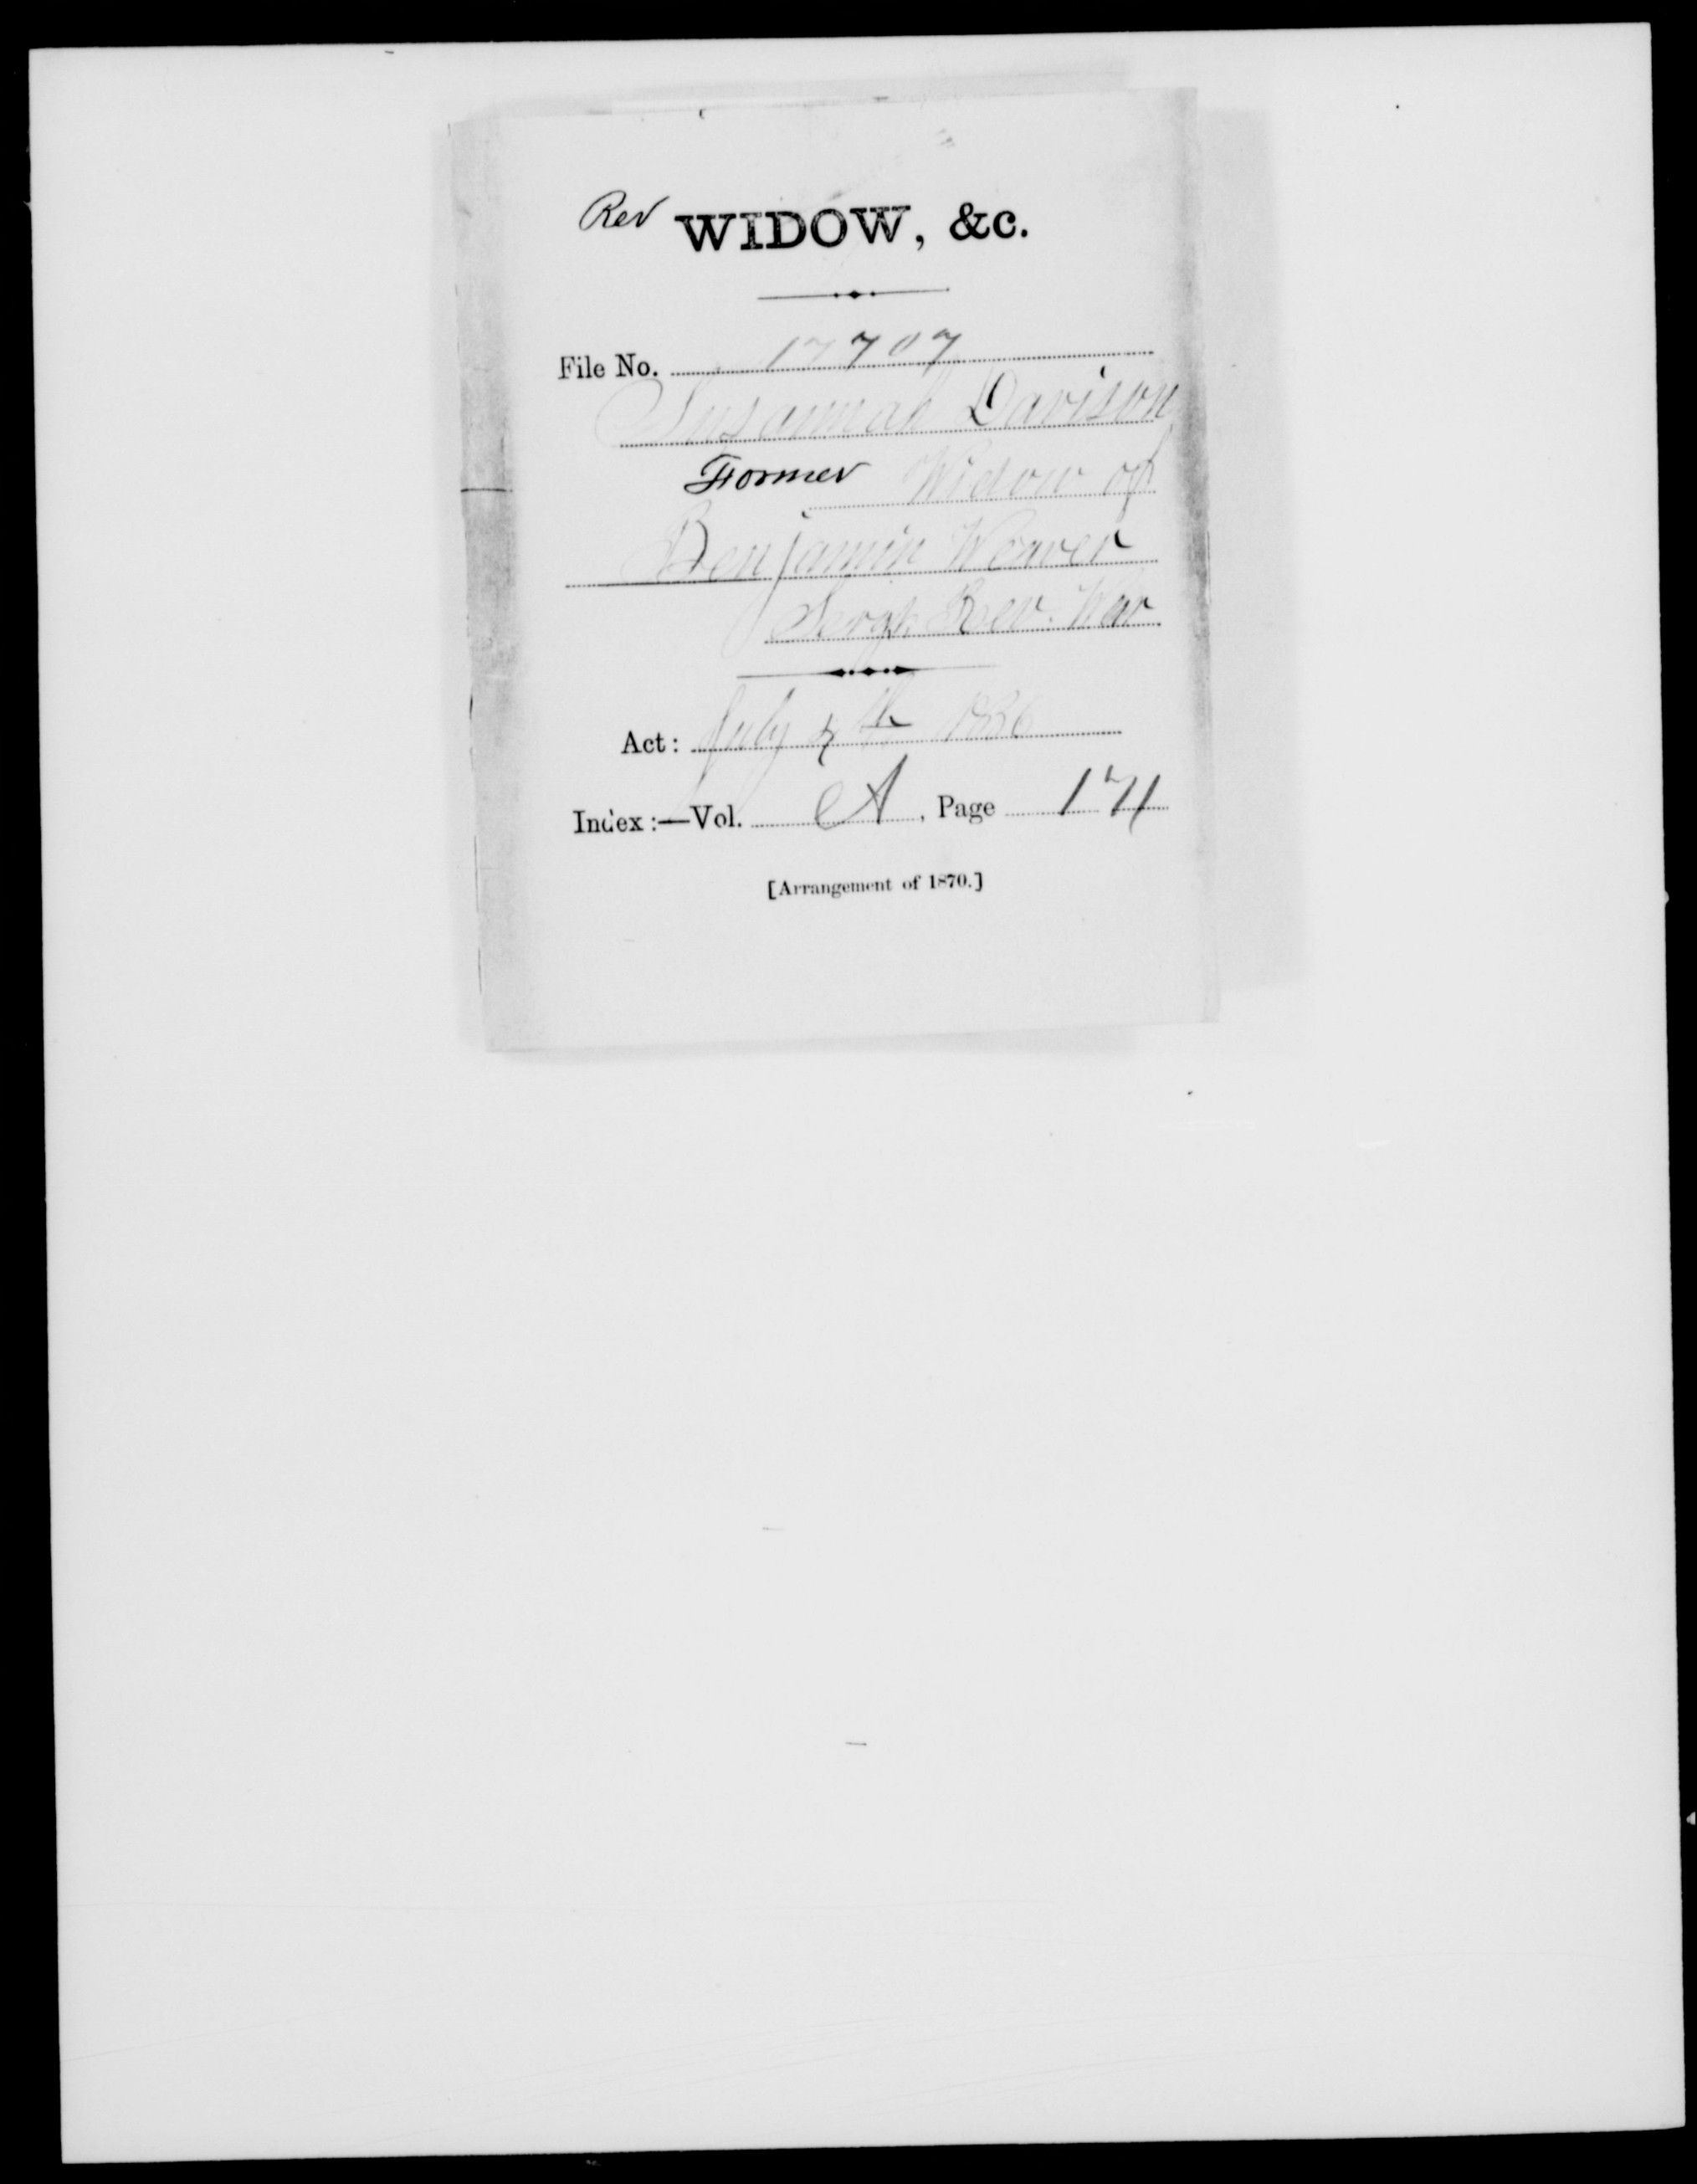Rev WIDOW, &c.

File No. 17707

Susannah Davison
Former Widow of Benjamin Weaver
Sergio. Rev. War

Act: July 4th 1836
Index:— Vol. A, Page 171

{Arrangement of 1870.}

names: Susannah Davison, Benjamin Weaver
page: 47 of 53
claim: widow's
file: W 17707, Benjamin Weaver, R.I.